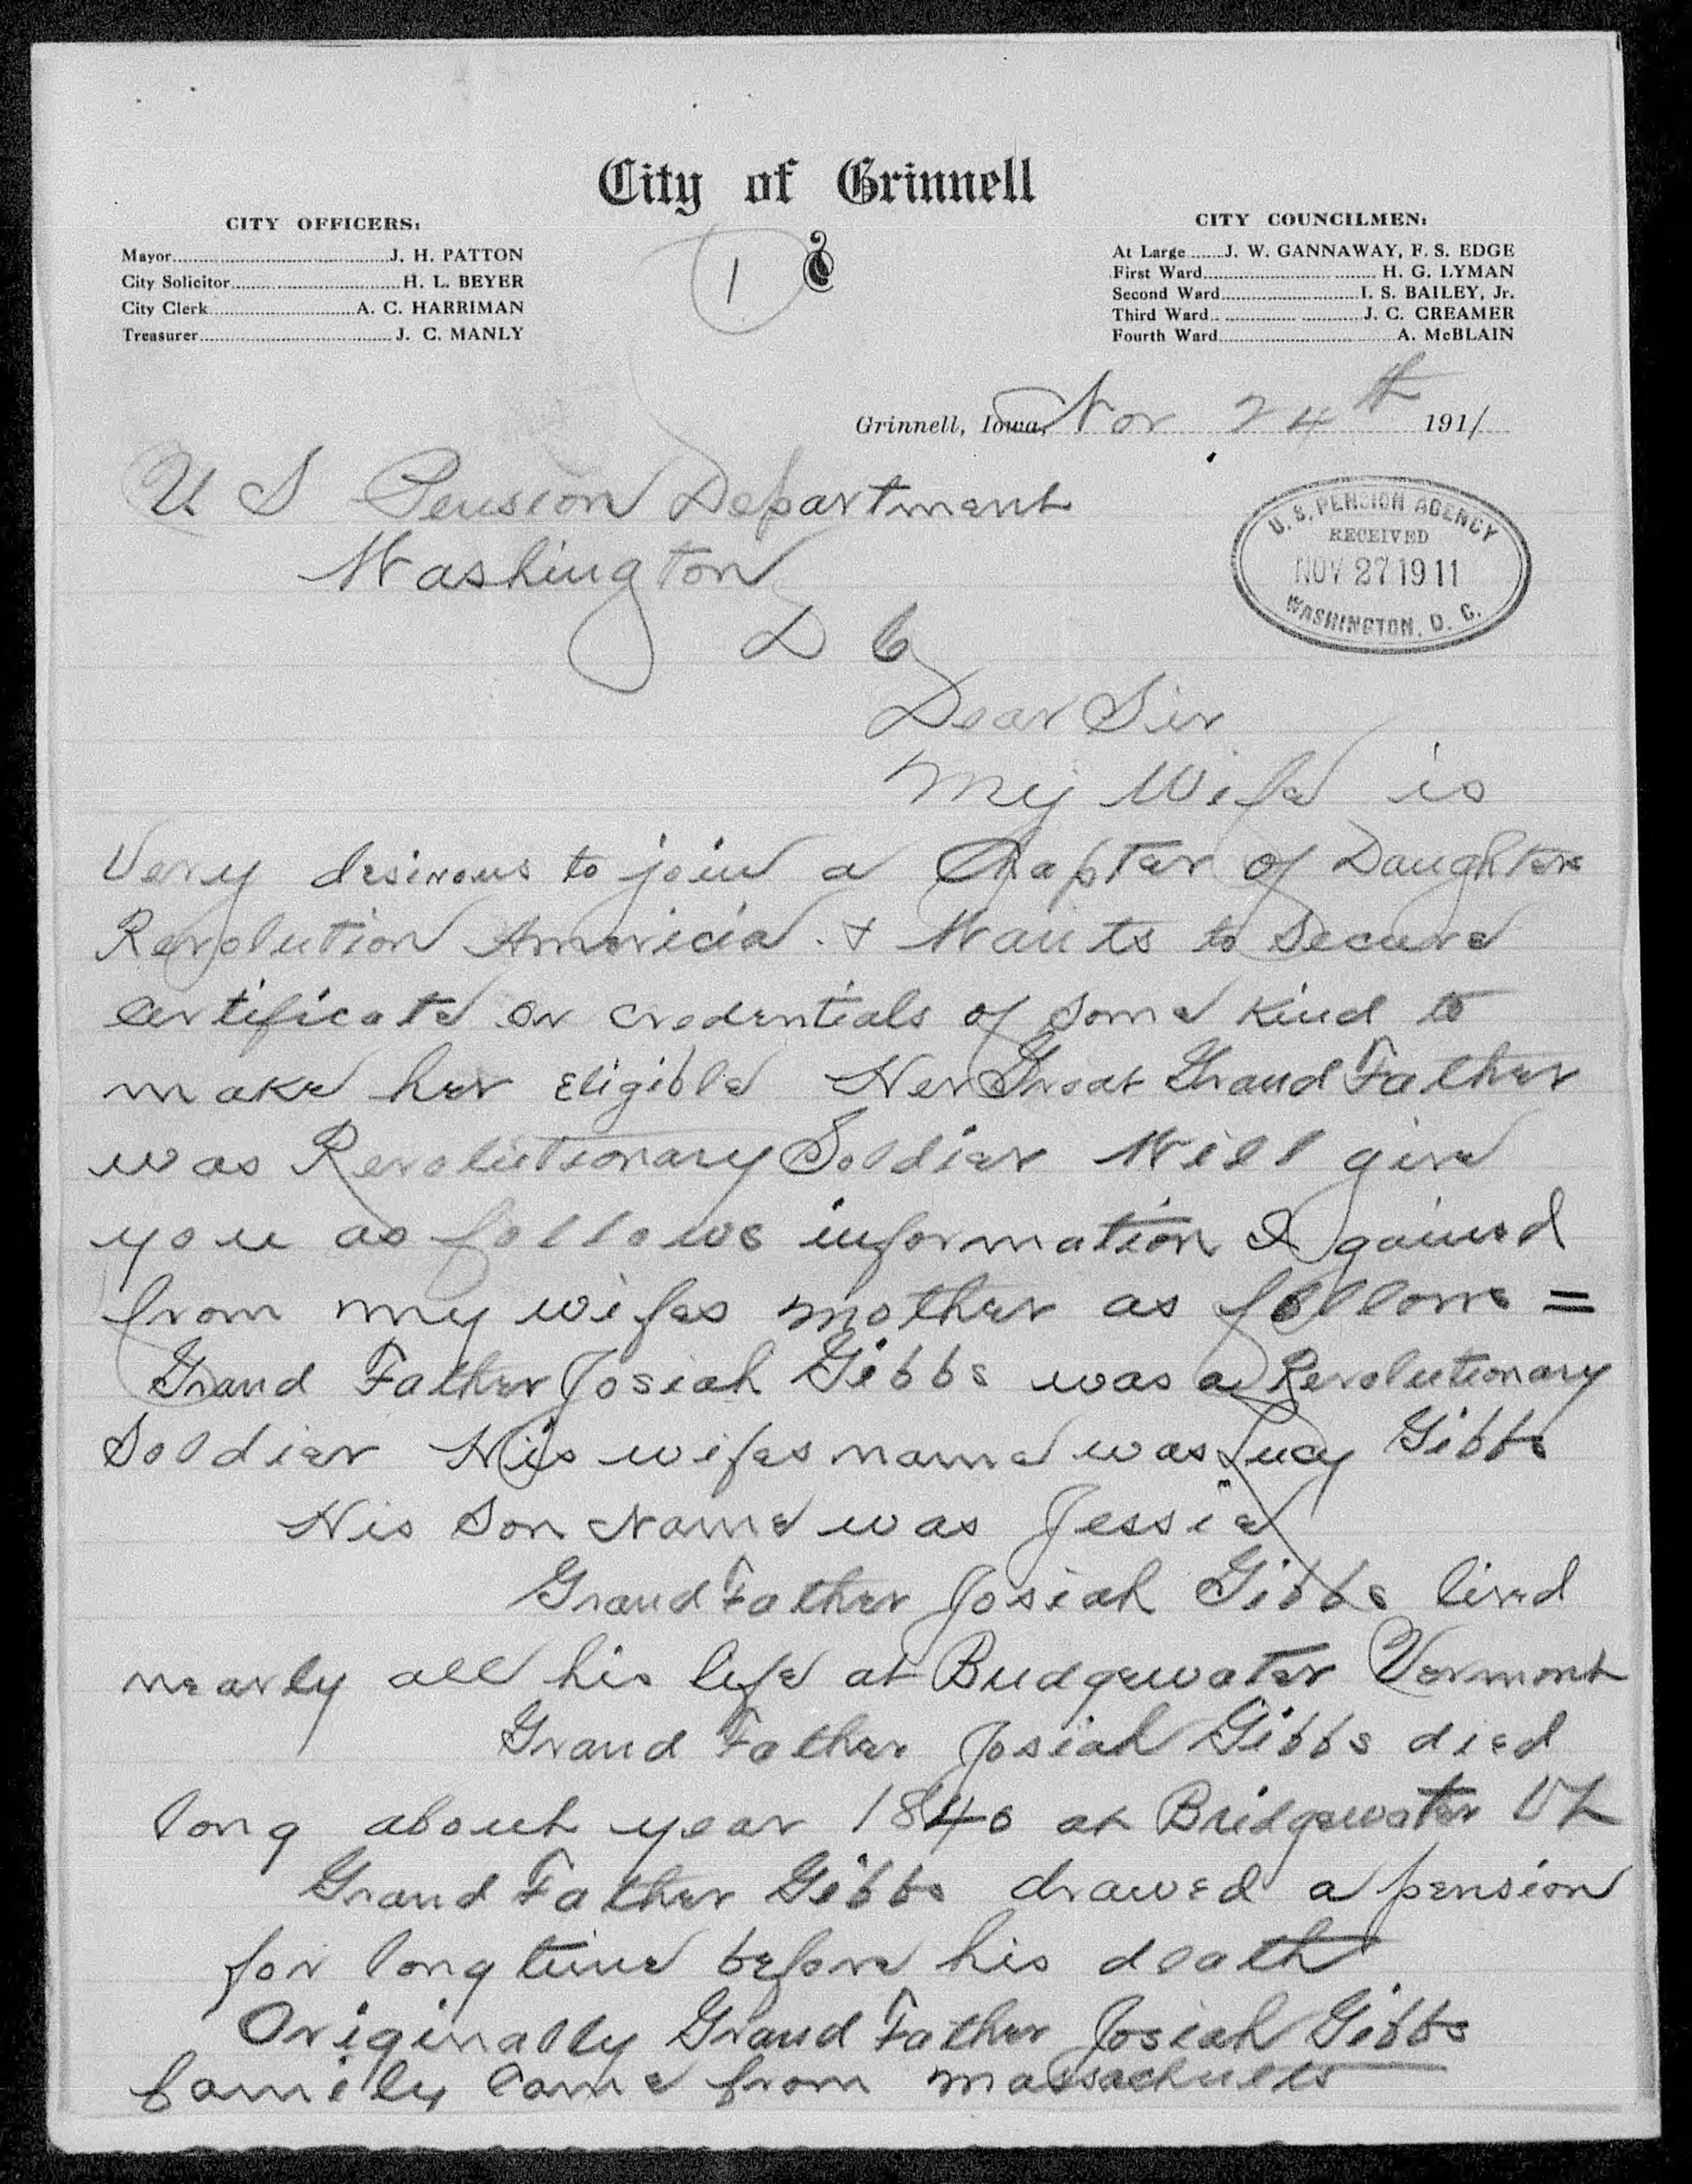CITY OF GRINNELL

CITY OFFICERS:
Mayor.....J. H. PATTON
City Solicitor.... H. L. BEYER
City Clerk..... A. C. HARRIMAN
Treasurer.... J. C. MANLY

CITY COUNCILMEN.
At Large.... J.W. GANNAWAY, F. S. EDGE
First Ward ......H. G. LYMAN
Second Ward.....I. S. BAILEY, Jr.
Third Ward.....J. C. CREAMER
Fourth Ward.... A. McBLAIN

Grinnell, Iowa,.Nov 24th.......1911

U.S. Pension Department
Washington DC

Dear Sir
my wife is very desirous to join a chapter of Daughters Revolution America & wants to secure certificate or credentials of some kind to make her eligible Her Great Grand Father
was Revolutionary Soldier Will give you as follows information I gained from my wifes mother as follows=
Grand Father Josiah Gibbs was a Revolutionary
Soldier His wifes name was Lucy Gibbs
His son Name was Jessie Grand Father Josiah Gibb lived nearly all his life at Bridgewater Vermont
Grand Father Josiah Gibbs died long about year 1846 at Bridgewater Vt Grand Father Gibbs drawed a pension for long time before his death Originally Grand Father Josiah Gibbs
family come from Massachusetts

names: J C Creamer, Lucy Gibbs, Josiah Gibbs, Gibbs, H L Beyer, Josiah Gibbs, Jessie, A Mc Blain, H G Lyman, J W Gannaway, J H Patton, I S Bailey, A C Harriman, J C Manly, Josiah Gibbs, F S Edge, Josiah Gibbs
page: 32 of 33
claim: widow's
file: W. 4681, Josiah Gibbs, Mass